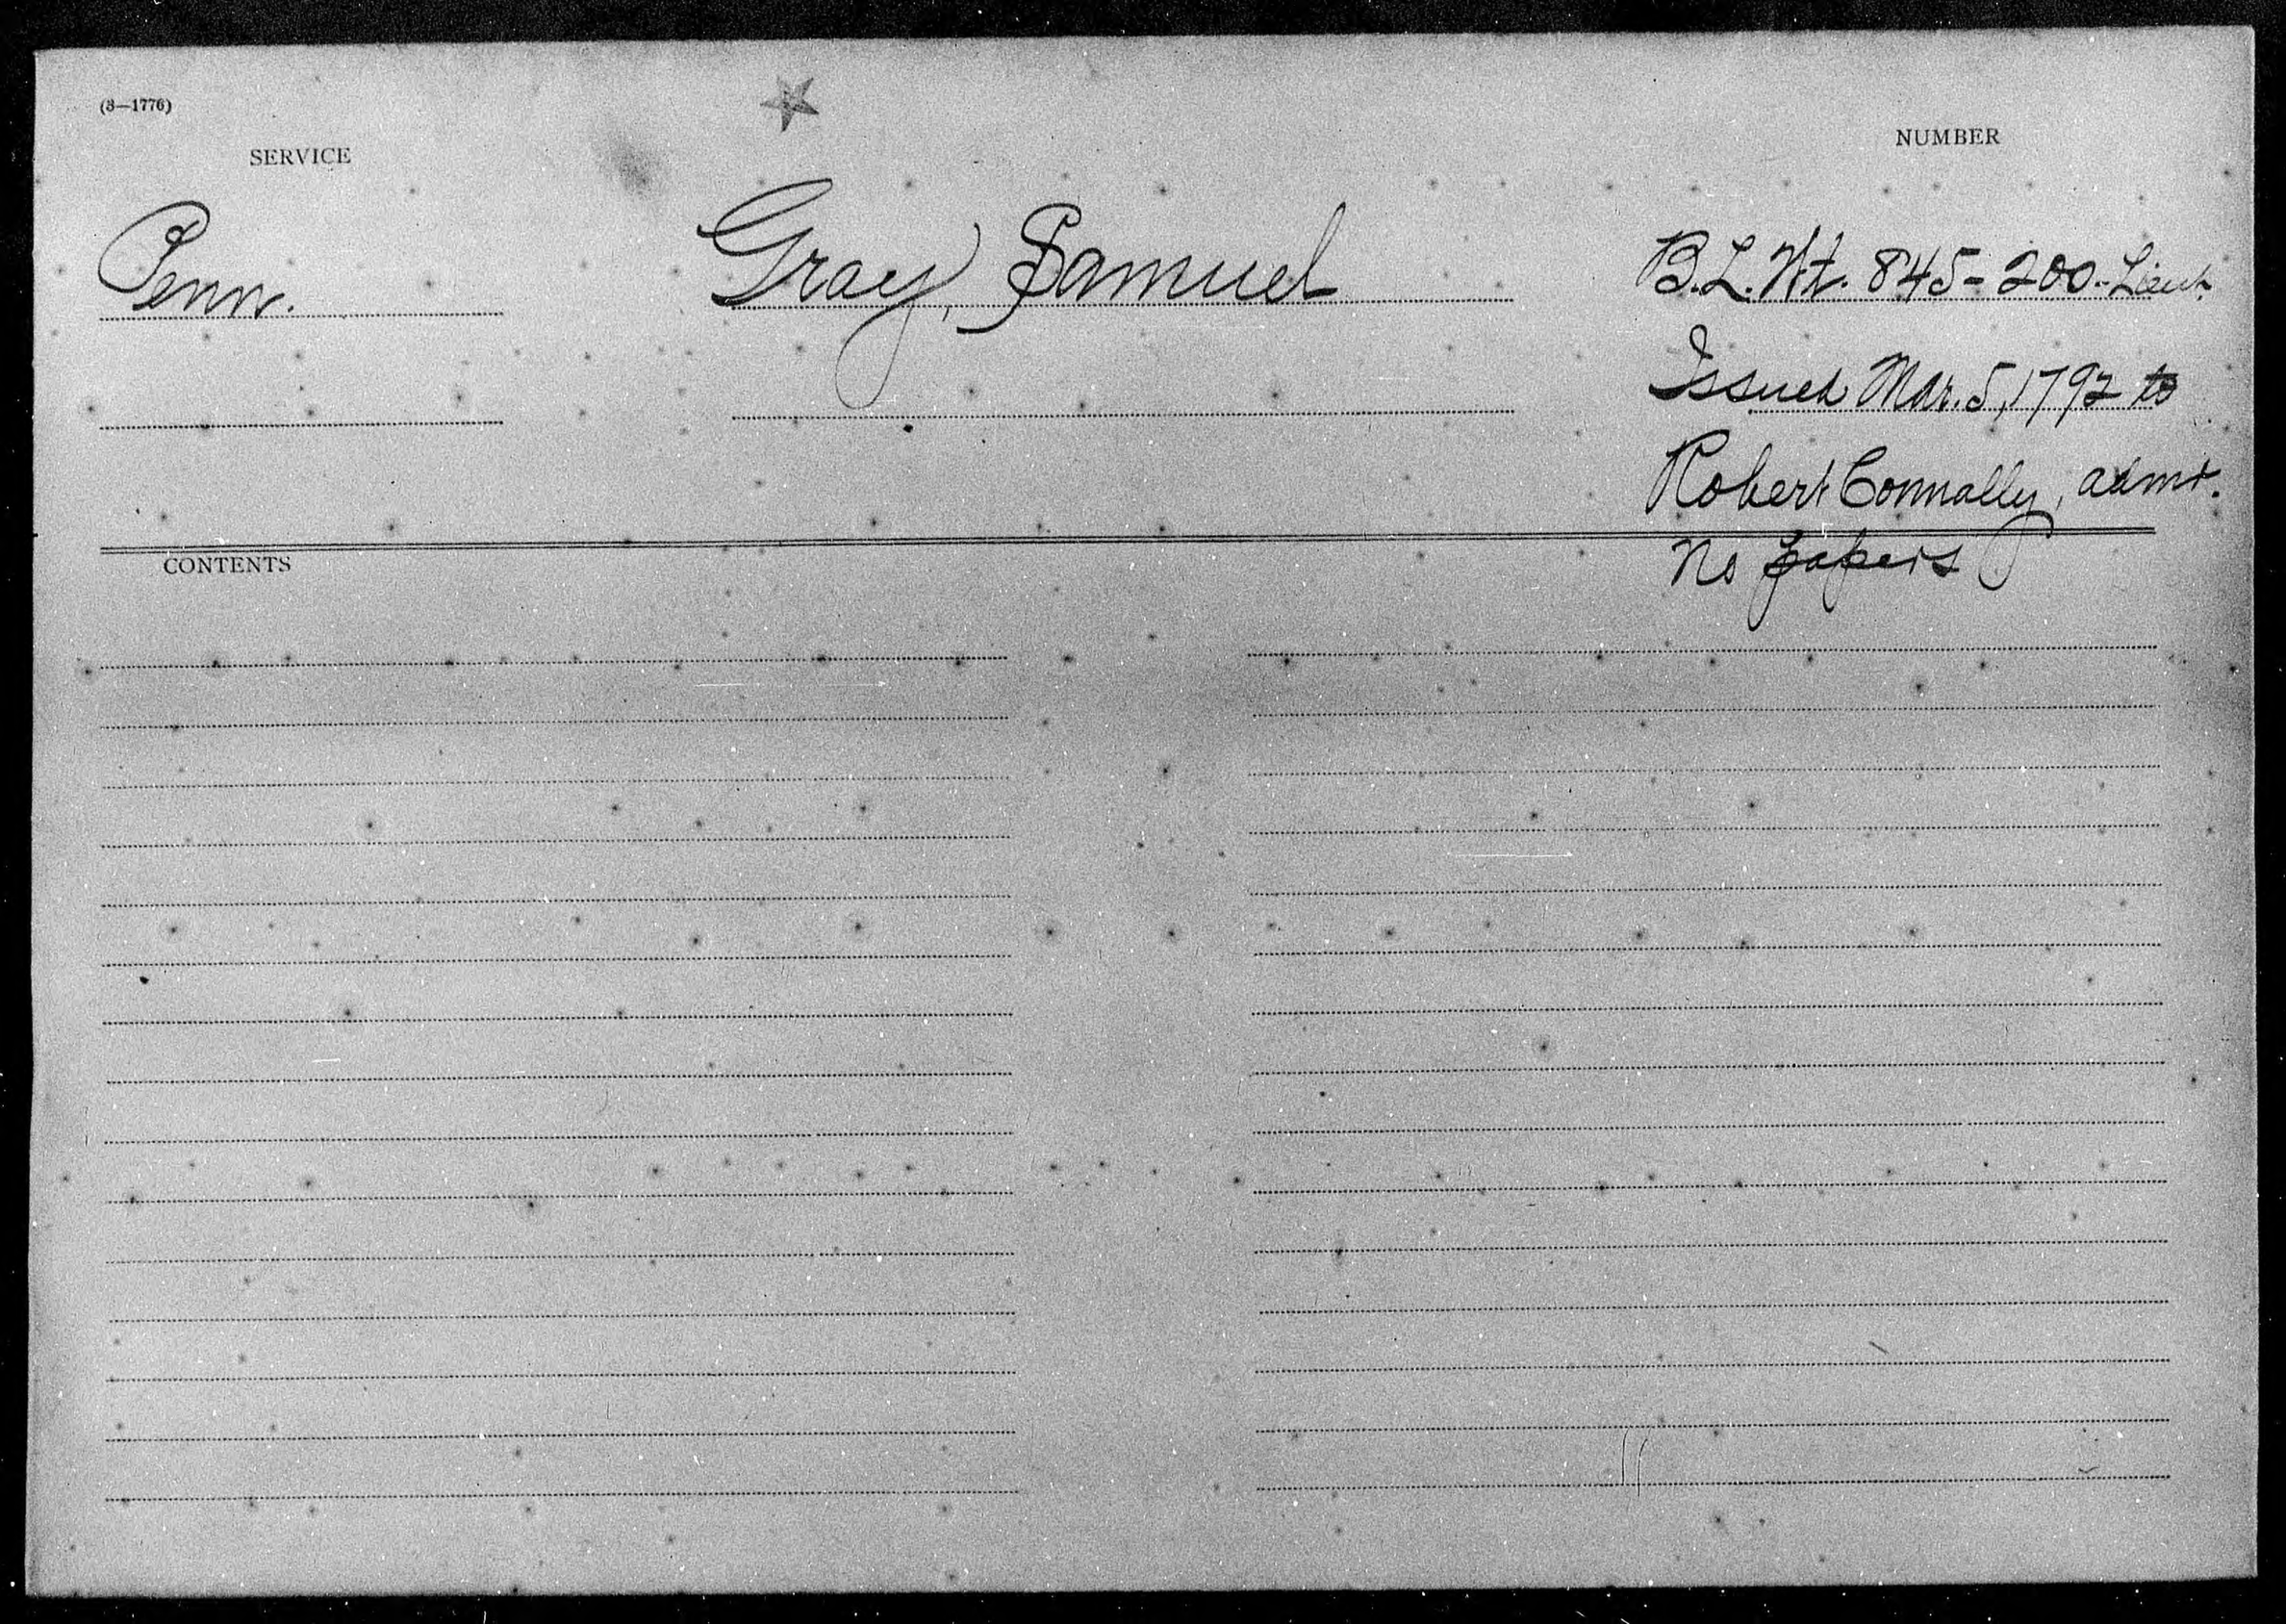93-1776)

SERVICE
Pennsylvania - Gray, Samuel

NUMBER B.L.Wt. 845-200 - Lieutenant
Issued March 5, 1792 to Robert Connally, adm.
No papers
____________________________________________________
CONTENTS
{left blank]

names: Robert Connally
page: 1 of 7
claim: bounty land warrant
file: B. L. Wt. 845-200, Samuel Gray, Penn